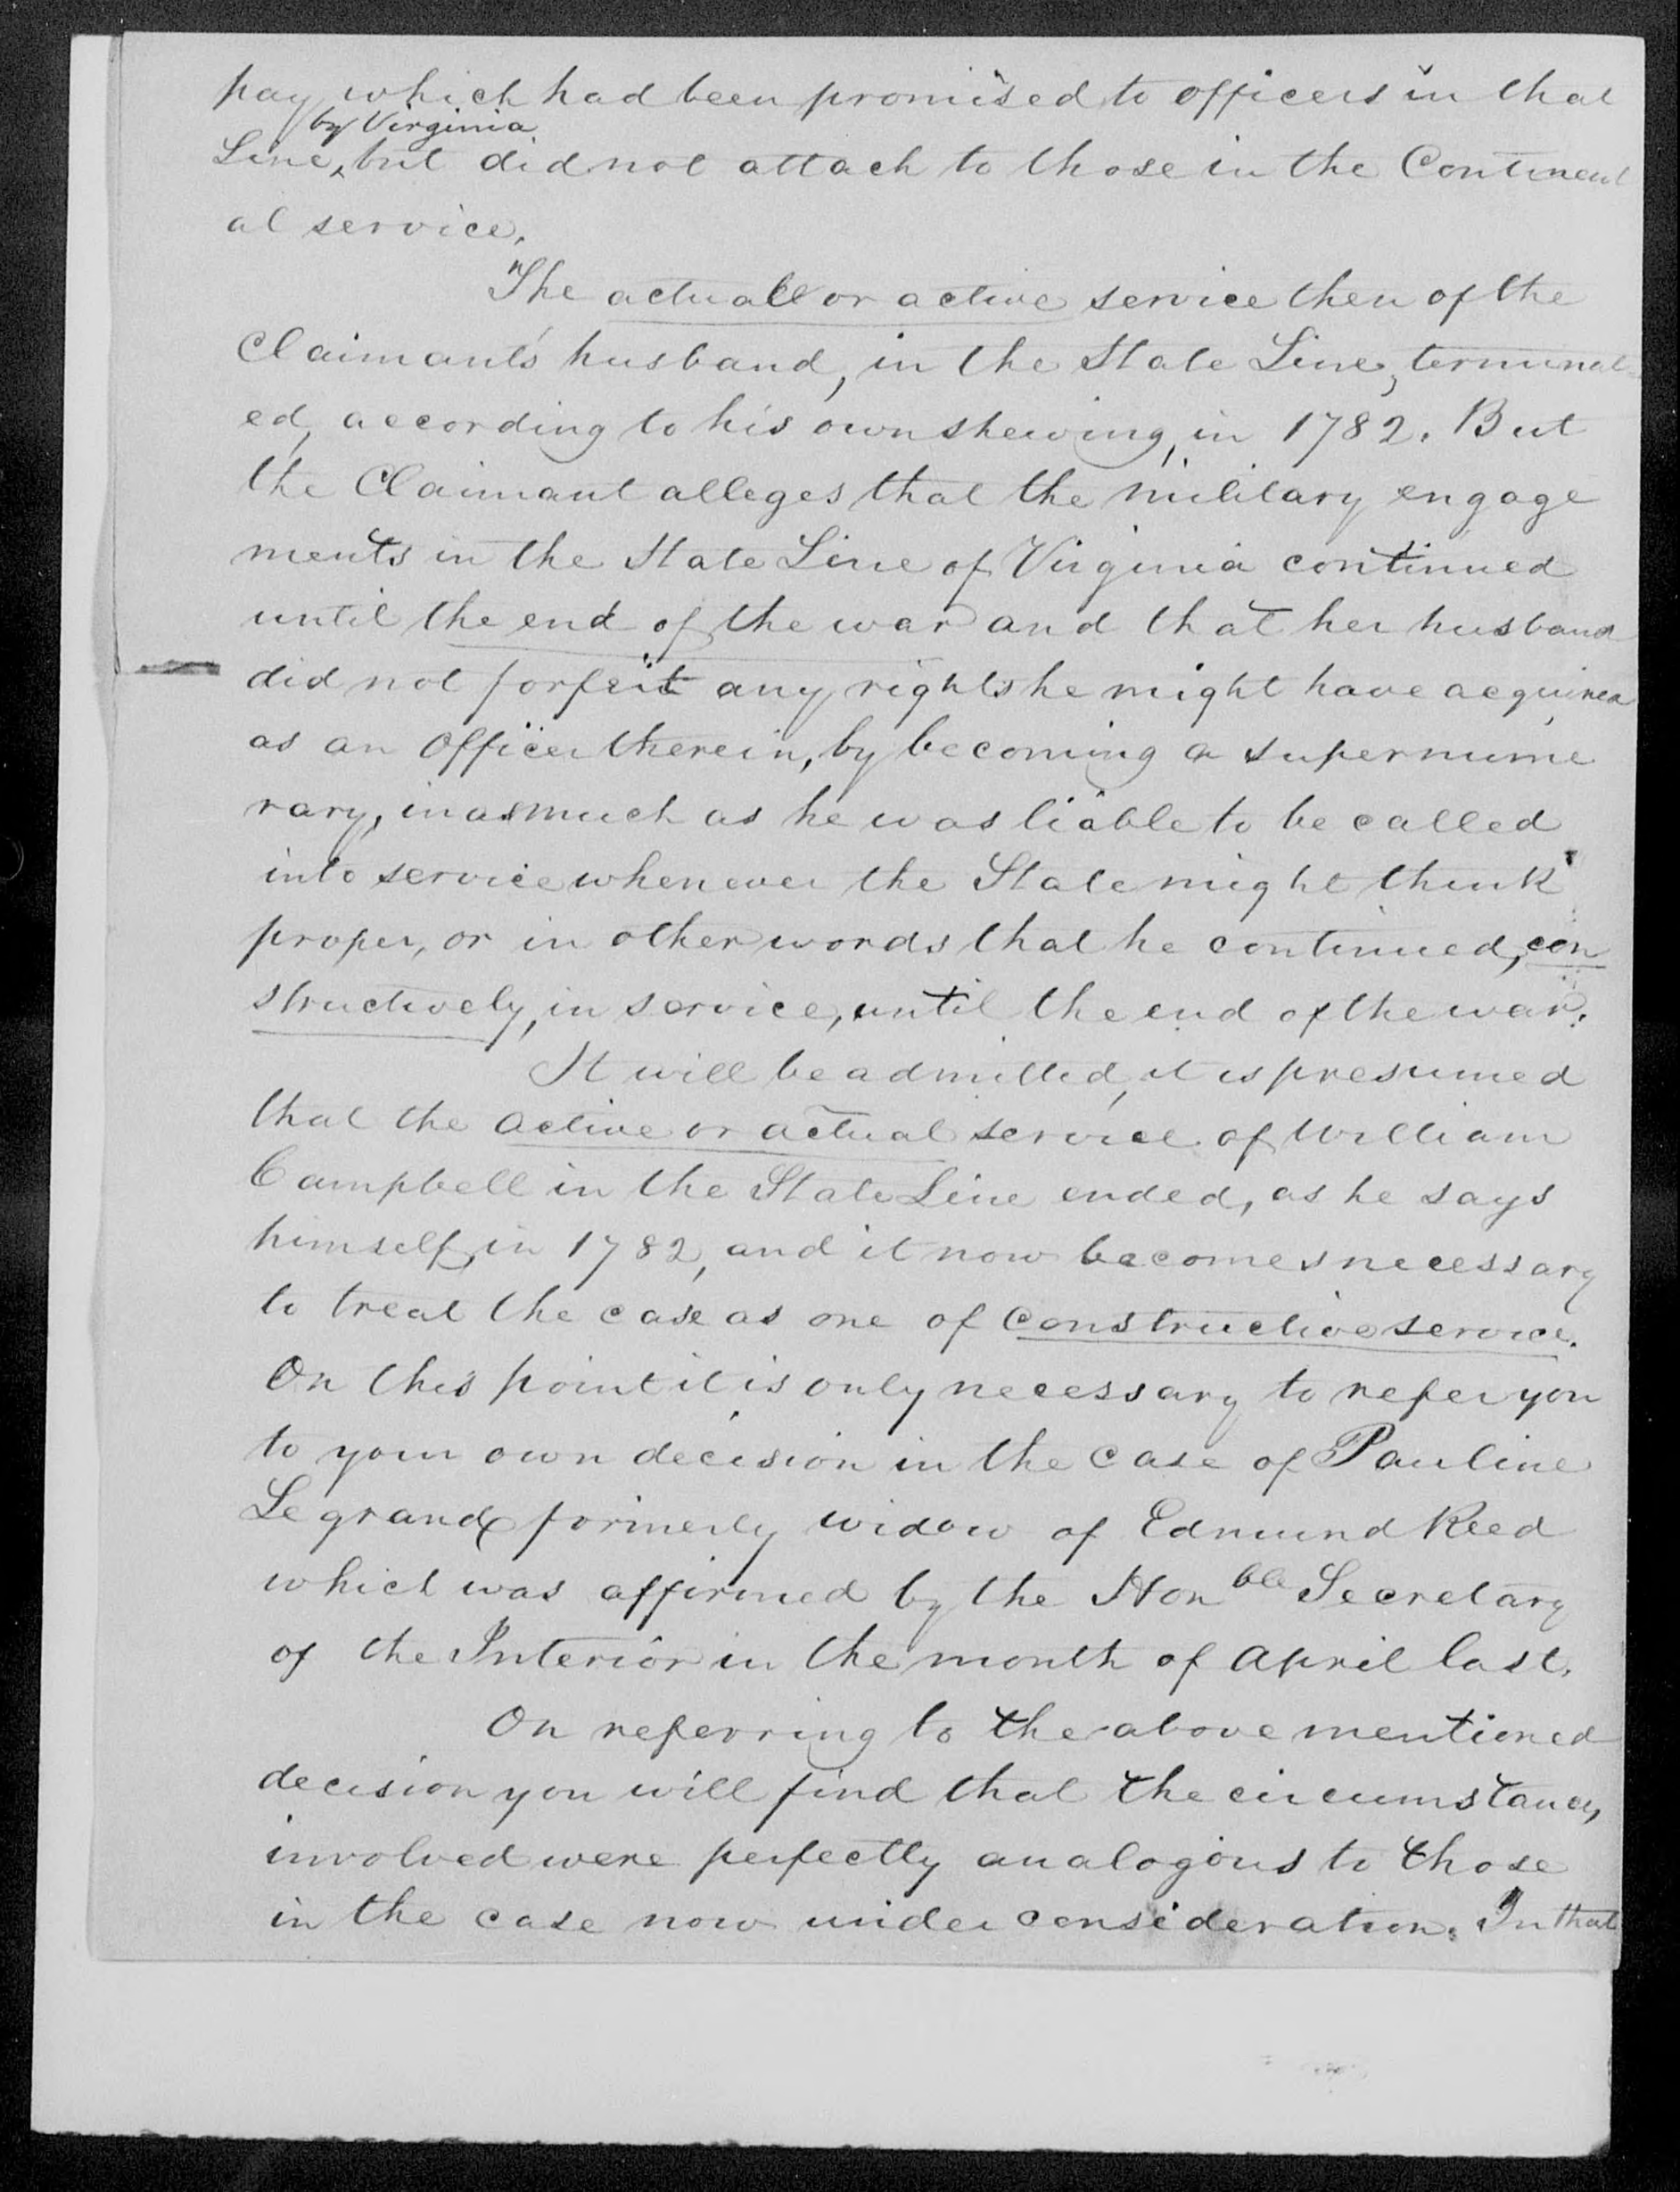pay, which had been promised to officers in that Line [insert] by Virginia [end insert] but did not attach to those in the Continental service.
The [underline begin] actual or active service [end underline] then of the claimant's husband, in the State Line, terminated, according to his own sharing, in 1789. But the claimant alleges that the military engagements in the State Line of Virginia continued until the end of the war and that her husband did not forfeit any rights he might have acquired as an officer therein, by becoming a supernumerary, in as much as he was liable to be called into service whenever the State might think proper, or in other words that he continued, [begin underline] constructively [end underline], in service, until the end of the war.
It will be admitted, it is presumed that the [begin underline] active or actual [end underline] service of William Campbell in the State Line ended, as he says himself in 1782, and it now becomes necessary to treat the case  as one of [begin underline] constructive service [end underline]. On this point it is only necessary to refer you to your own decision in the case of Pauline Legrand formerly widow of Edmund Reed which was affirmed by the Honble Secretary of the Interior in the month of April last.
On referring to the the above mentioned decision you will find that the circumstances involved were perfectly analogous to those in the case now under consideration. In that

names: William Campbell, Pauline Legrande, Edmund Reed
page: 83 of 267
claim: widow's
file: W. 4,149, William Campbell, Va.